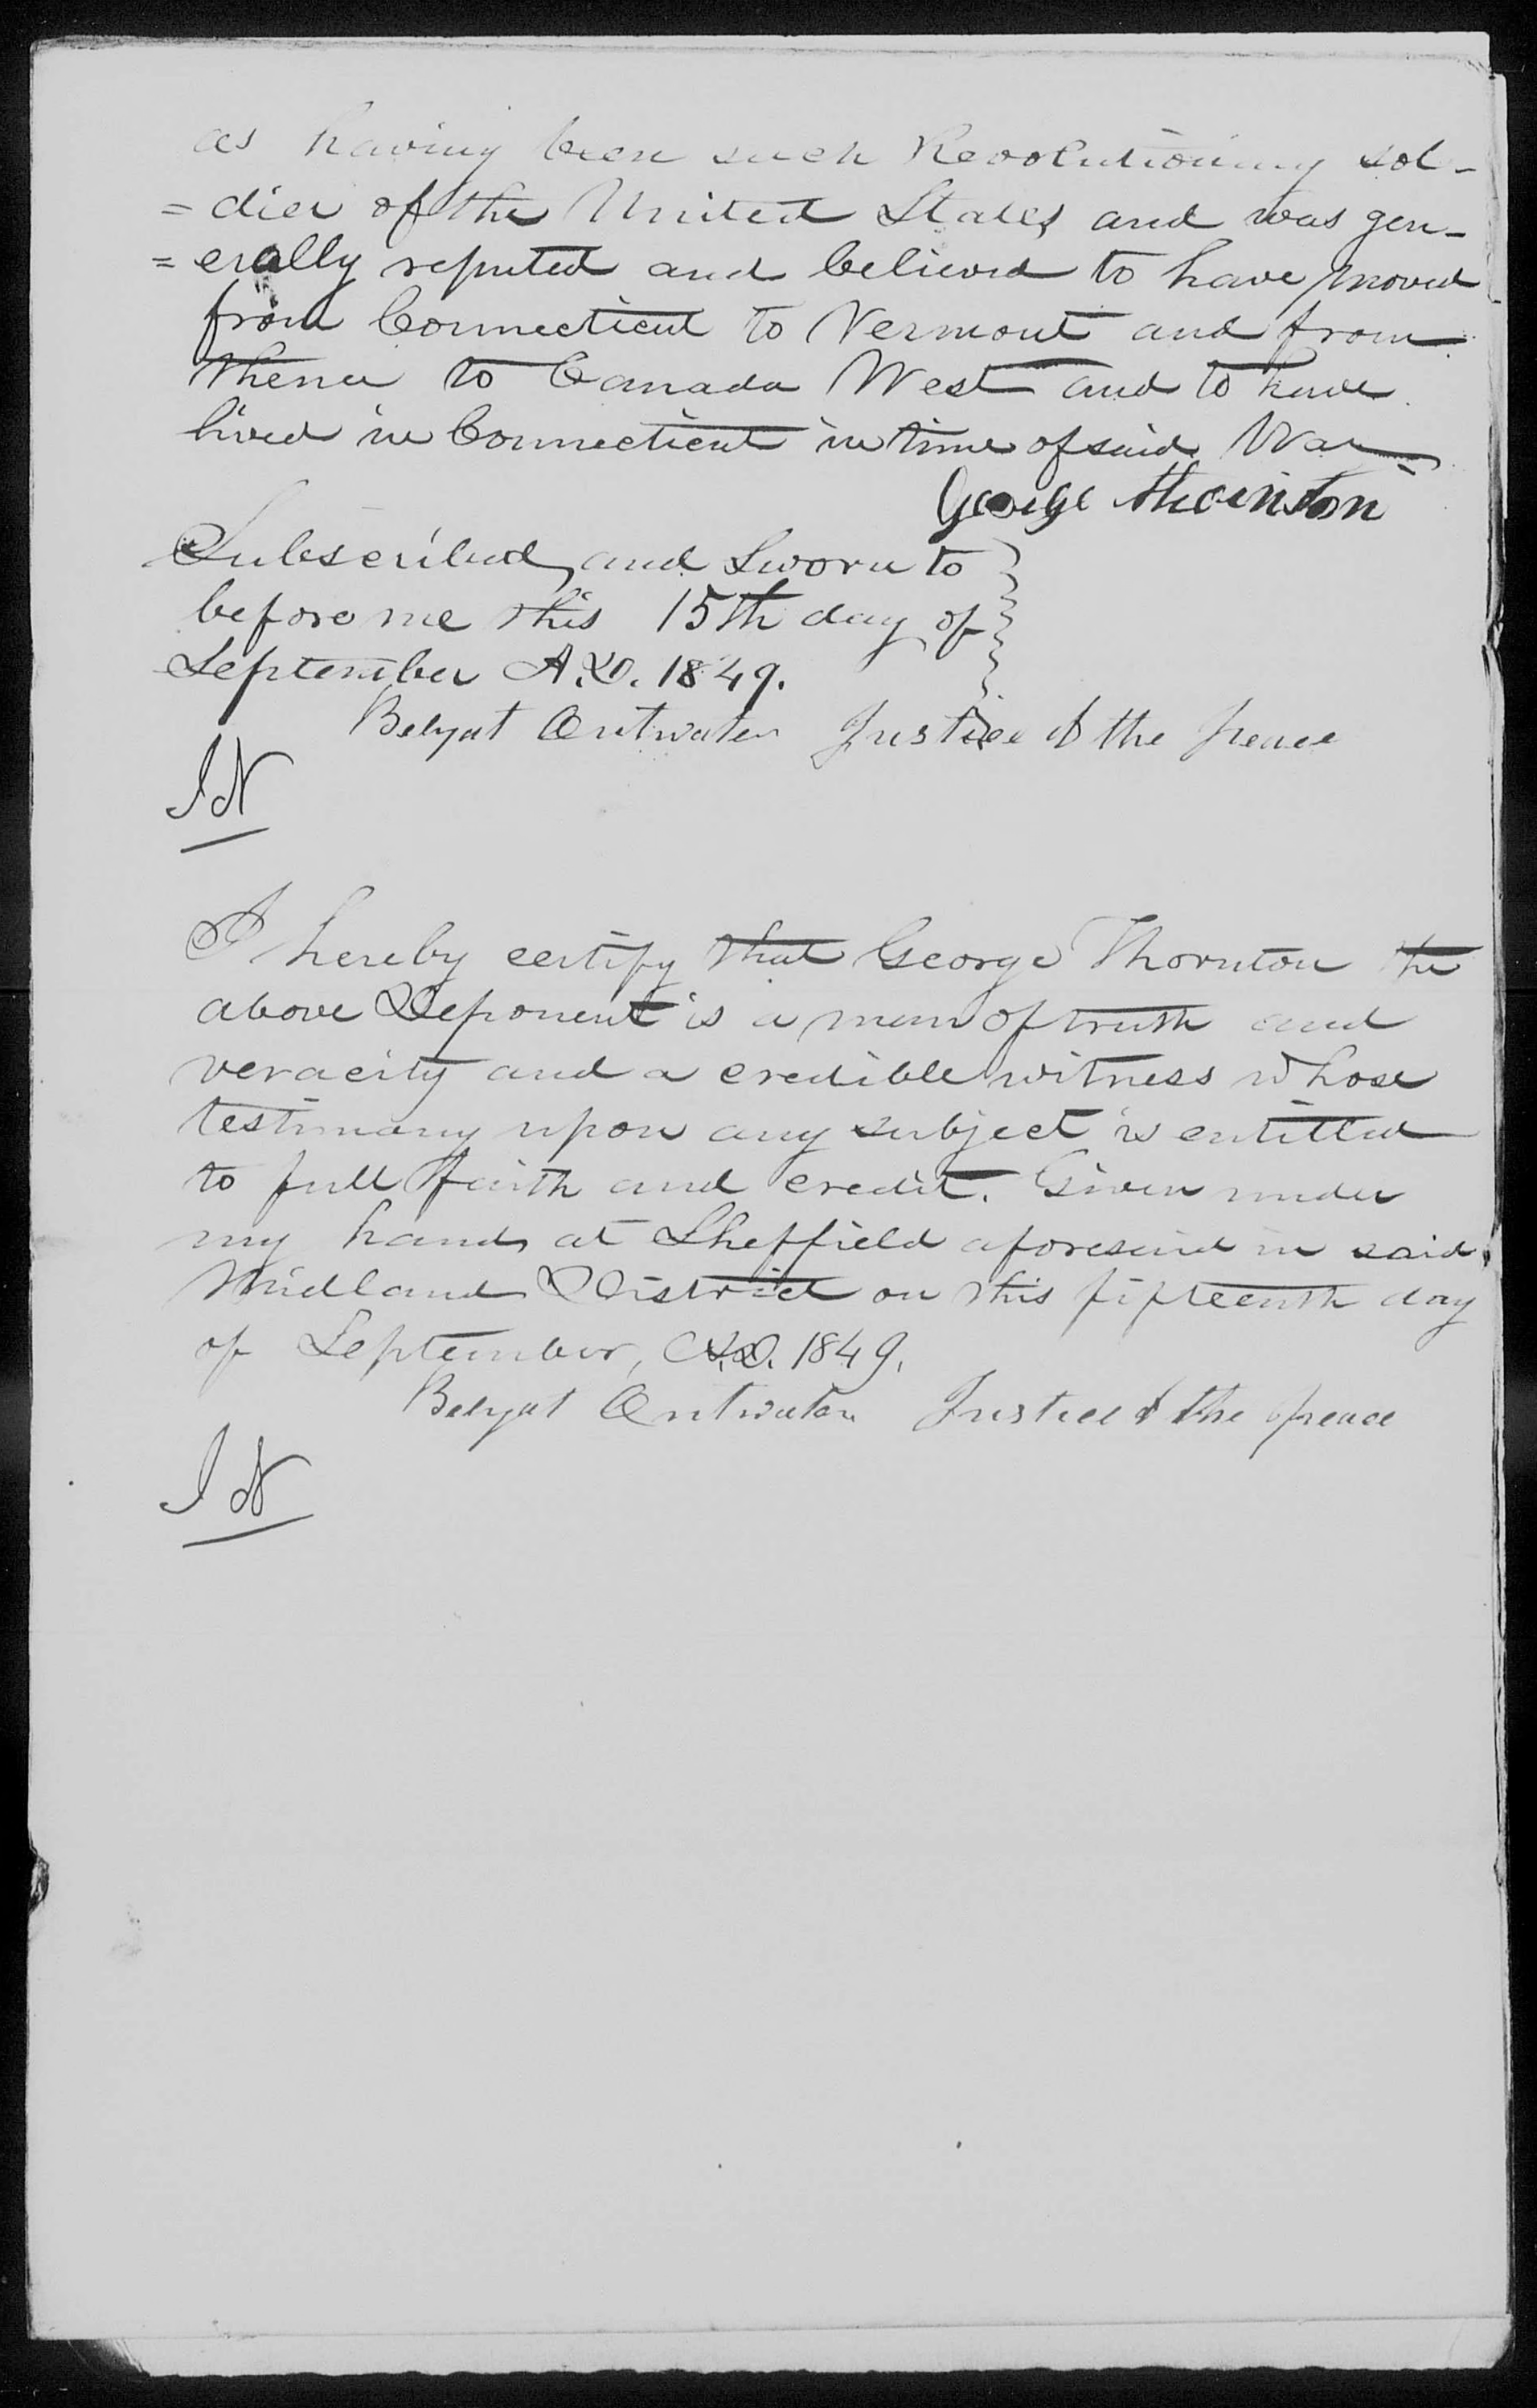as having been such Revolutionary soldier of the United States, and was generally reputed and believed to have moved from Connecticut to Vermont and from thence to Canada West and to have lived in Connecticut in time of said War.
George Thornton

Subscribed and sworn to before me this 15th day of September A.D. 1849.
Belyat Outwater Justice of the peace

[illegible]

I hereby certify that George Thornton the above Deponent is a man of truth and veracity and a credible witness whose testimony upon any subject is entitled to full faith and credit. Given under my hand at Sheffield aforesaid in said Midland District on this fifteenth day of September, A.D. 1849.
Belyat Outwater Justice of the peace

[illegible]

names: Belyat Outwater, Belyat Outwater, George Thornton, George Thornton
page: 48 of 106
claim: survivor's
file: S 23,116., Joshua Benedict, Conn.